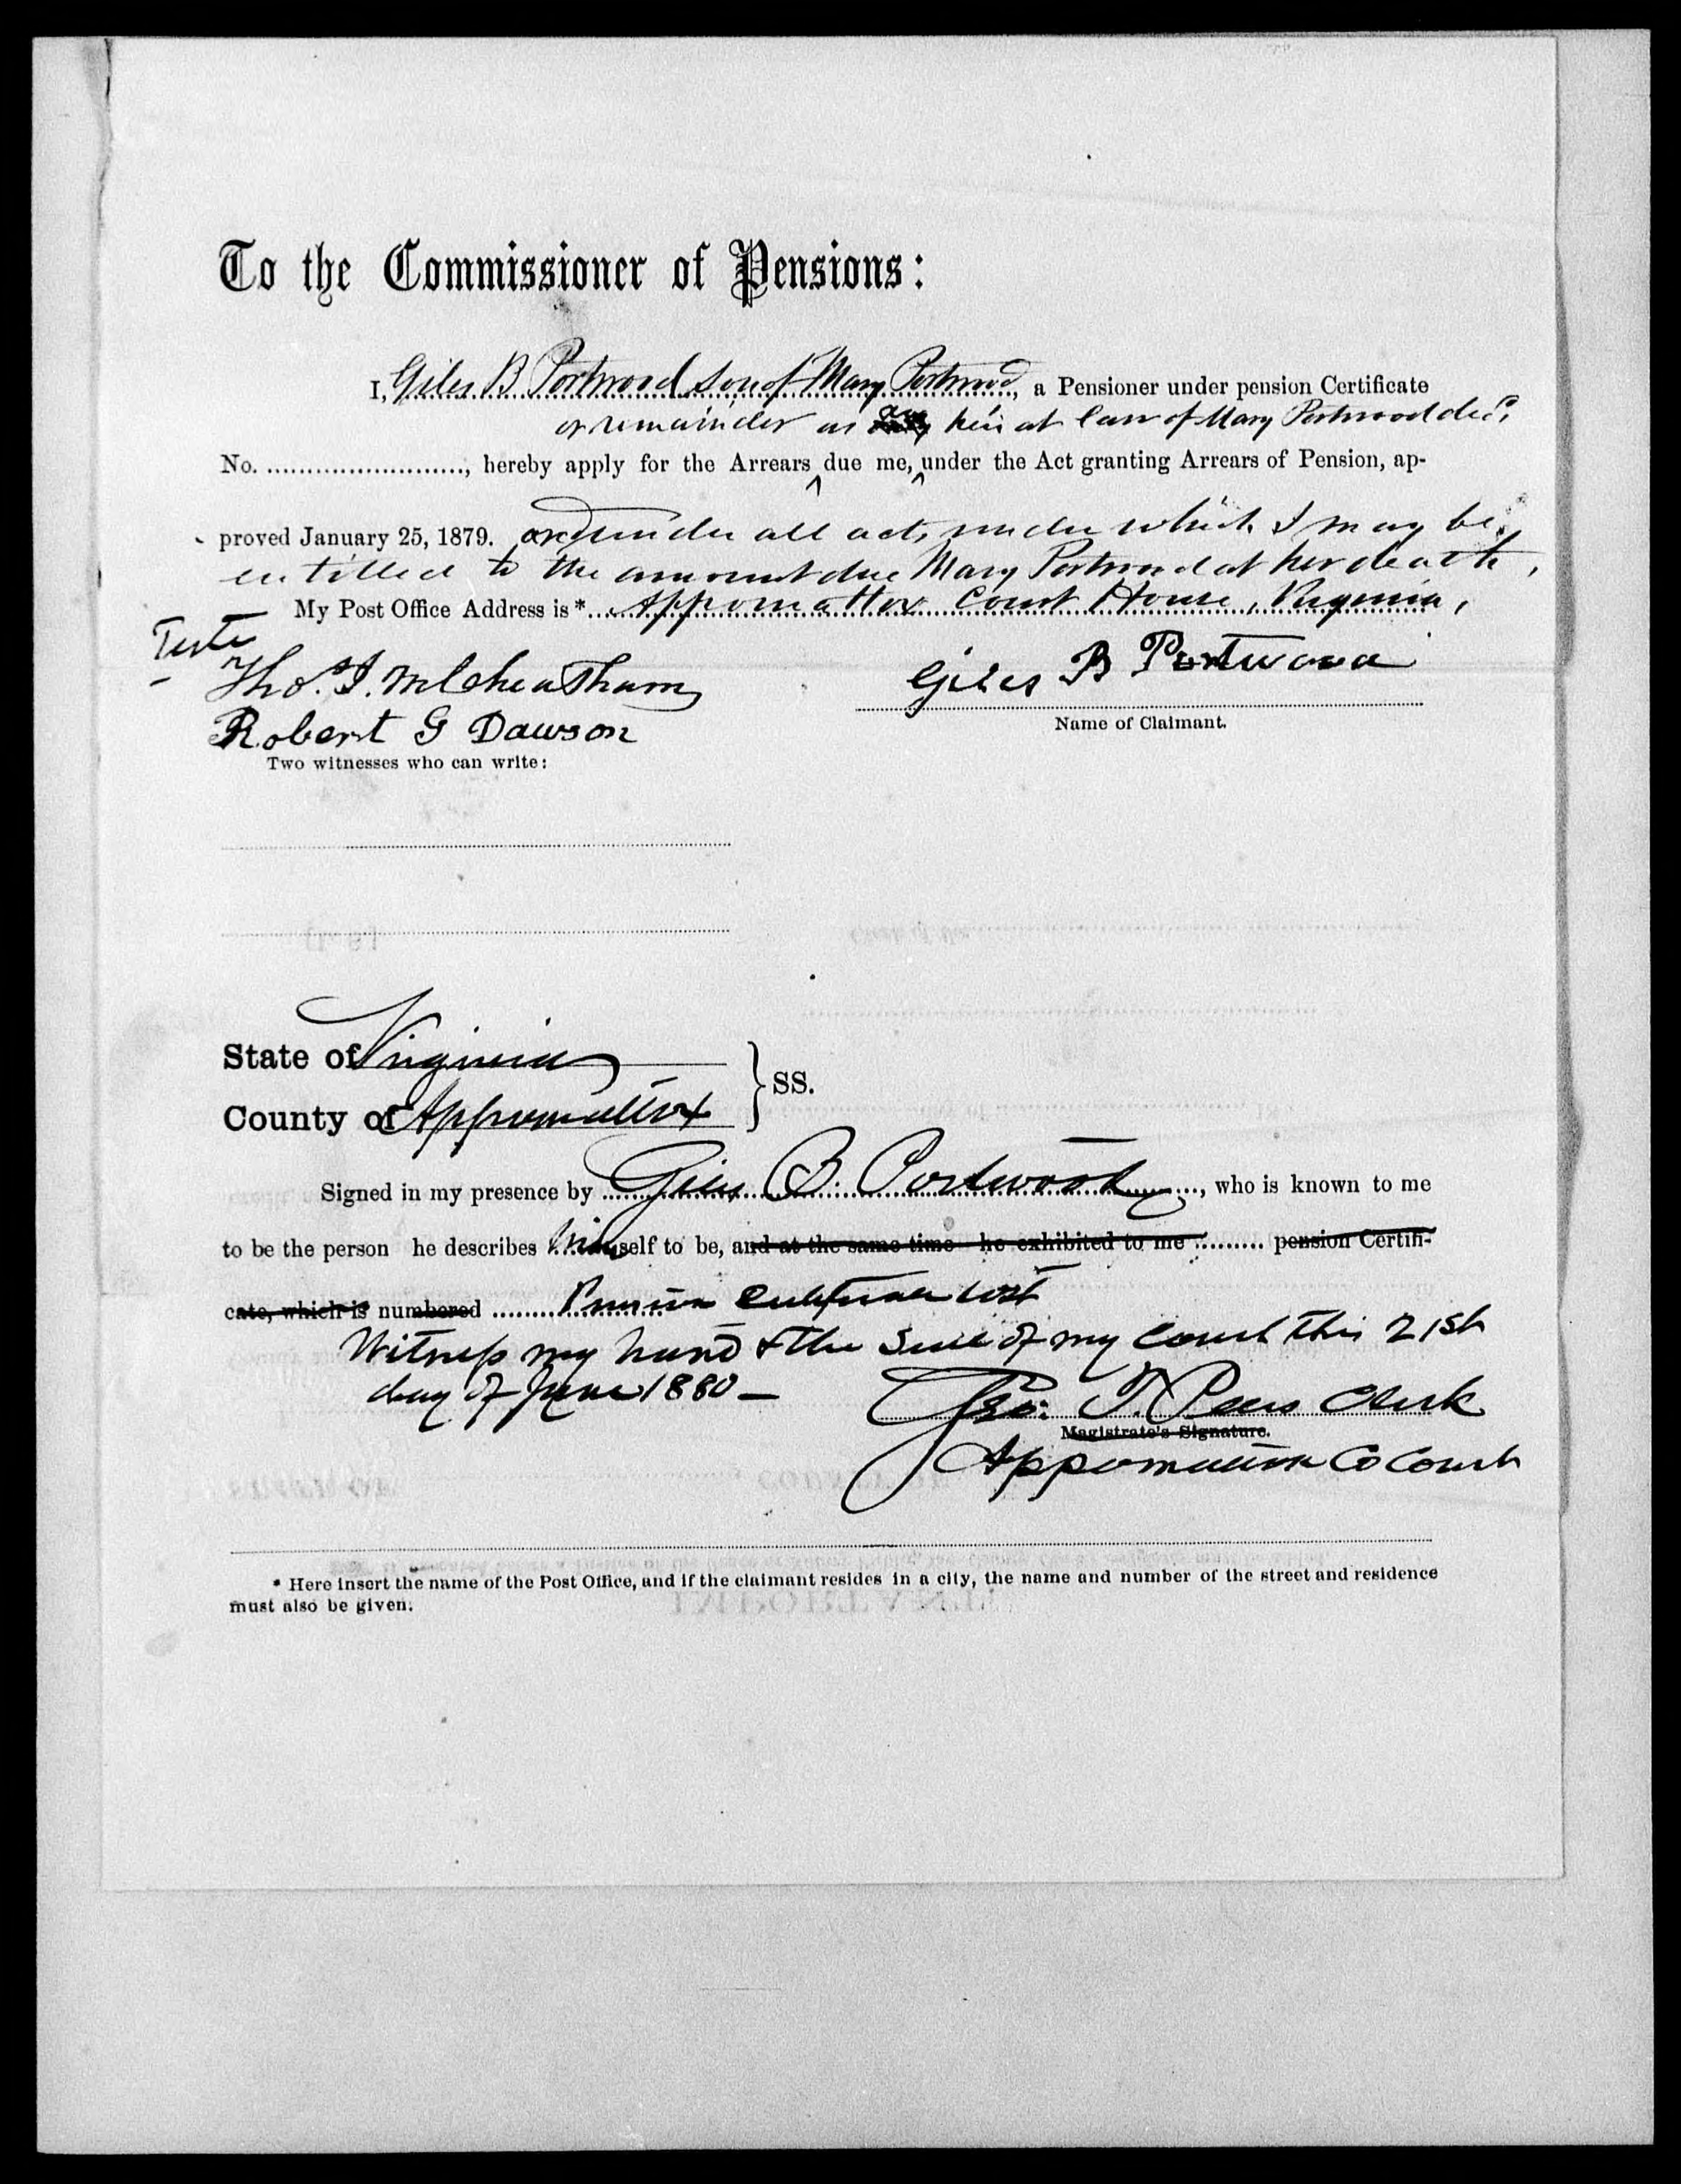To the Commissioner of Pensions:
I, Giles B Portwood son of Mary Portwood, a Pensioner under pension Certificate
[inserted] or remainder as an heir at law of Mary Portwood decd. [insert ends]
No. [blank], hereby apply for the Arrears [insert symbol] due me, [insert symbol] under the Act granting Arrears of Pension, approved
January 25, 1879, and under all acts under which I may be
entitled d to the amount due Mary Portwood at her death,
My Post Office Address is * Appomattox Court House, Virginia,
Teste
Thos. J. M Cheatham | Giles B Portwood
Robert G Dawson | Name of Claimant.
Two witnesses who can write:
State of Virginia
County of Appomattox ⎬SS.
Signed in my presence by Giles B. Portwood, who is known to me
to be the person he describes himself to be, [lineout begins] and at the same time he exhibited to me pension Certificate,
which is numbered [lineout ends] Pension Certificate lost
Witness my hand & the seal of my Court this 21st
day of June 1880 -
Geo: T. Peers Clerk
Magistrate's Signature. [lined out]
Appomattox Co Court
* Here insert the name of the Post Office, and if the claimant resides in a city, the name and number of the street and residence
must also be given.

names: Geo T Peers; Giles B Portwood; Robert G Dawson; Mary Portwood; Thos J M Cheatham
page: 27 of 50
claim: widow's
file: W. 1929, for Lloyd Portwood, Virginia